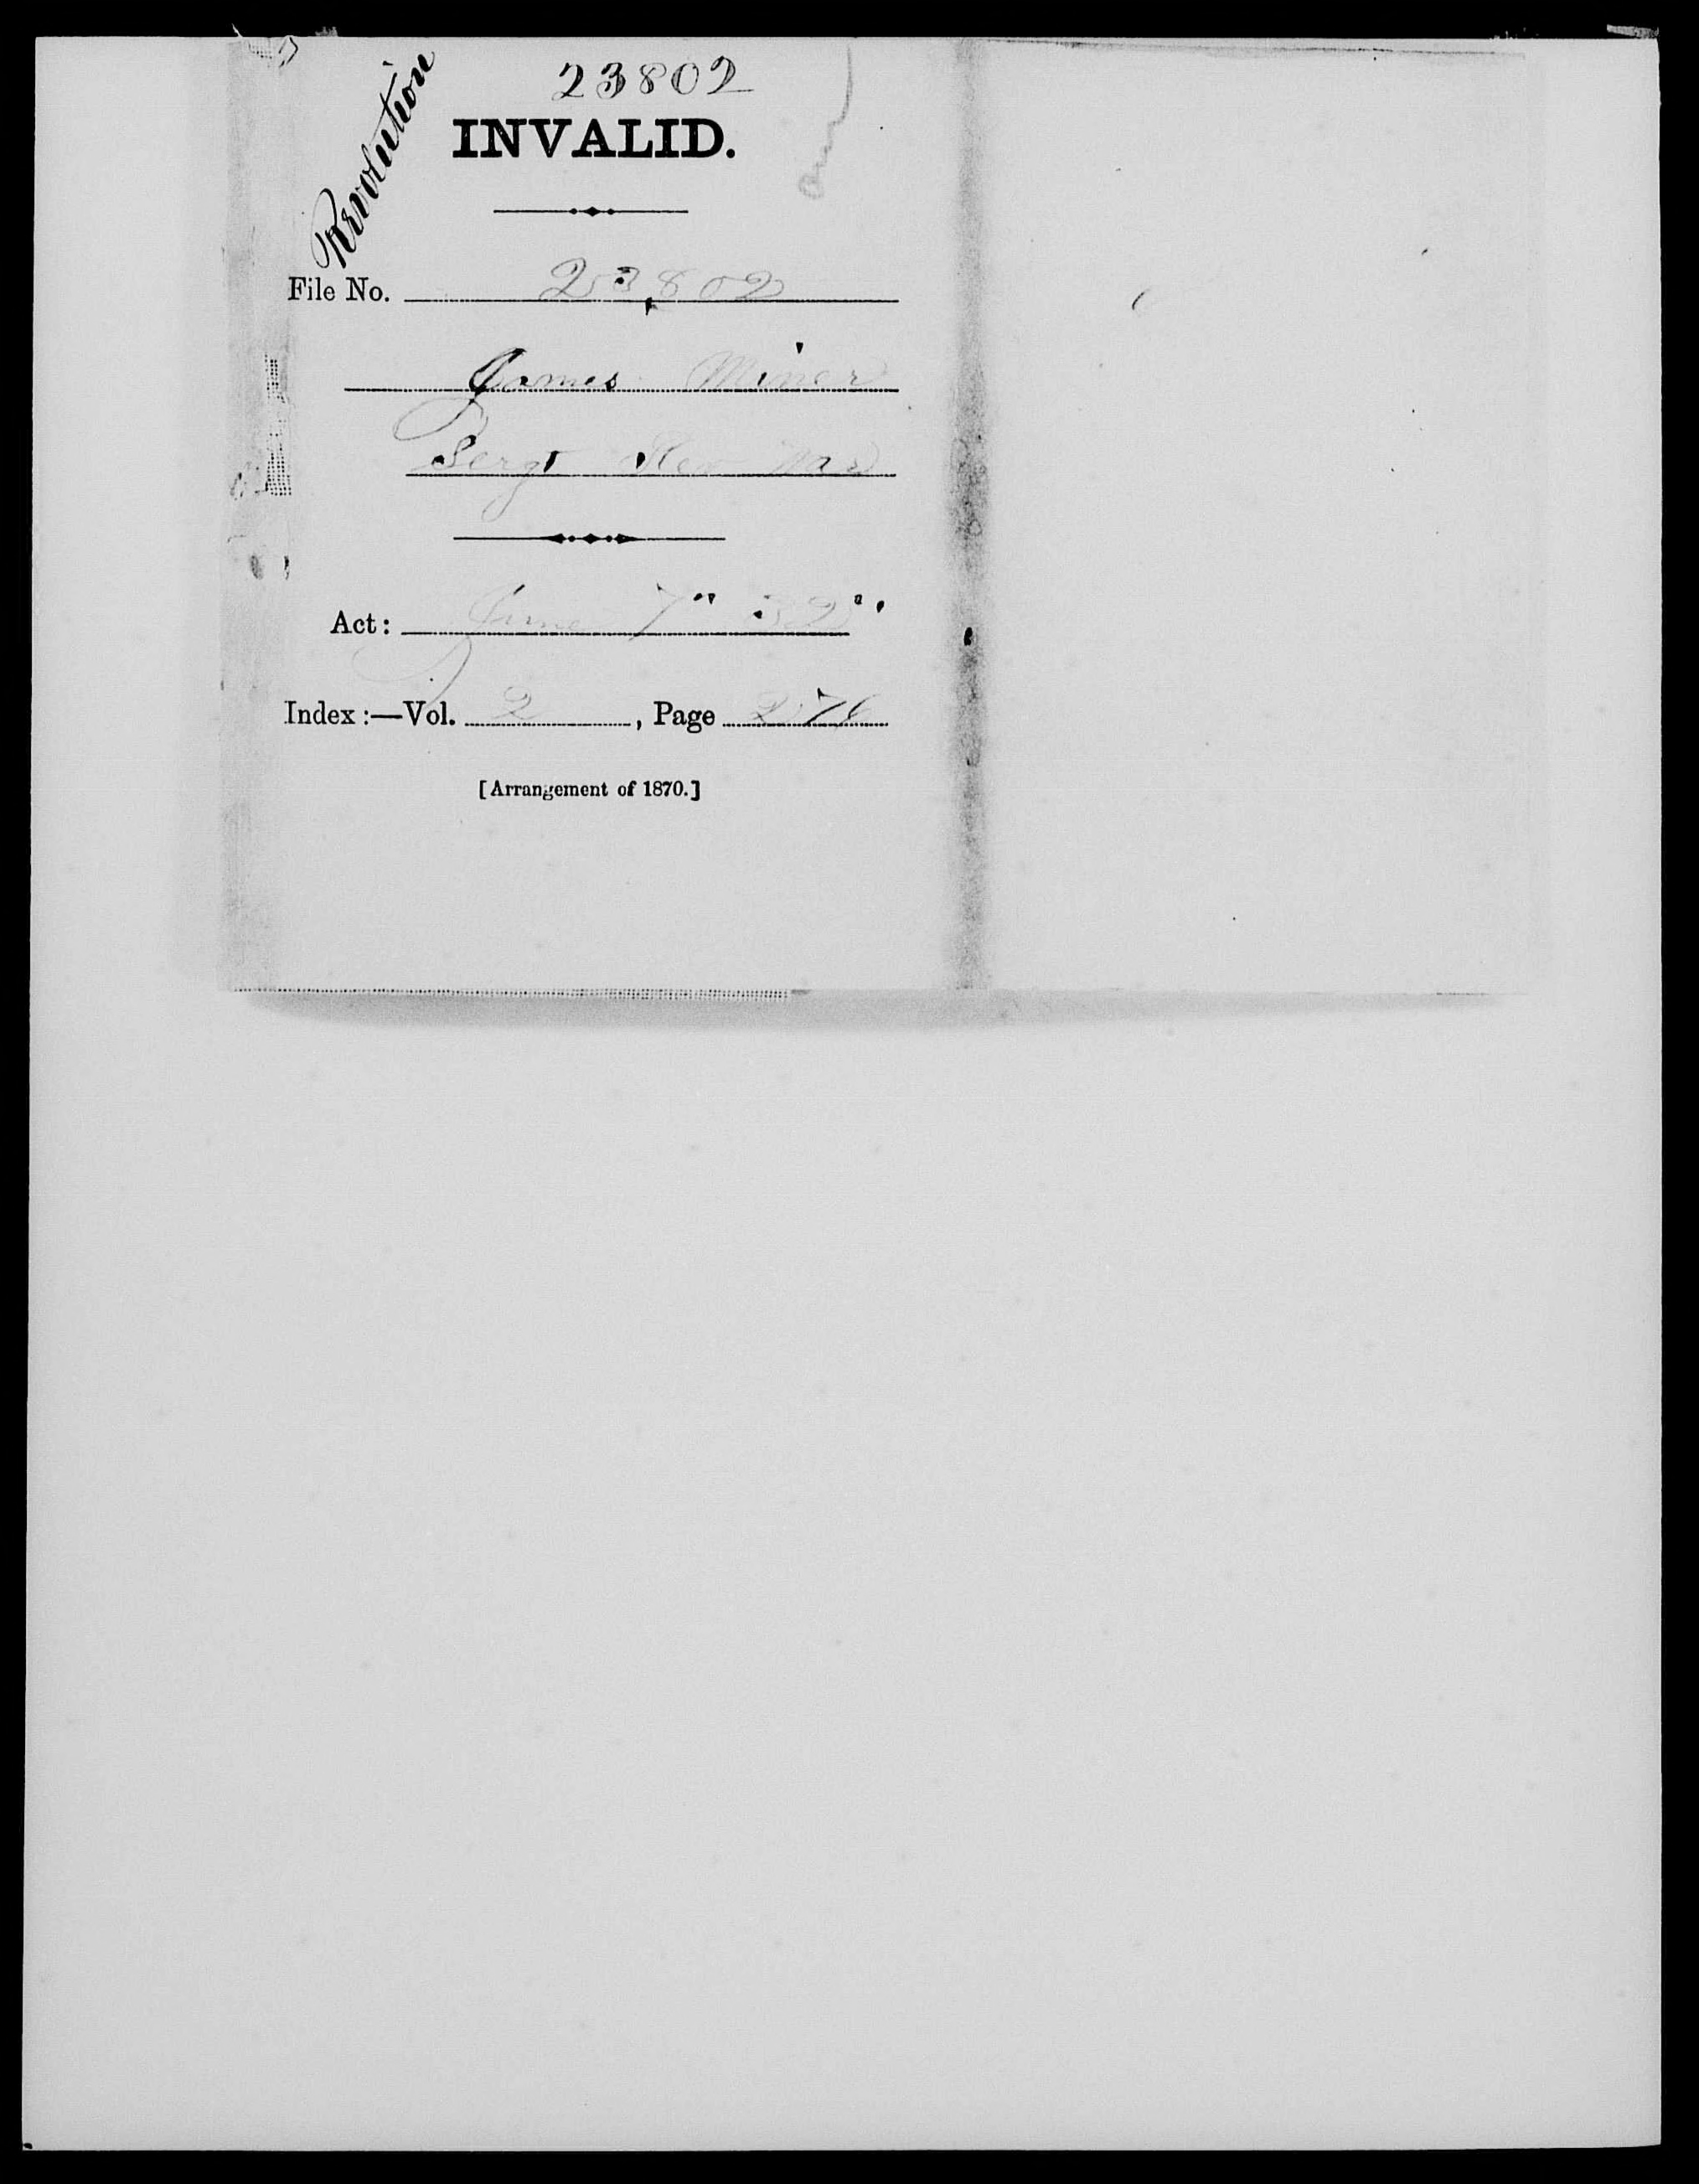Revolution 

23802 

INVALID. 

File No. [handwritten 23802] 

 [handwritten James Miner] 

[handwritten Sergt Rev War 

Act: [handwritten June 7 1832]

Index: --Vol. [handwritten 2], Page [handwritten 276] 

(Arrangement of 1870.]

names: James Miner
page: 20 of 39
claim: survivor's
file: S. 23802, for James Miner, Connecticut